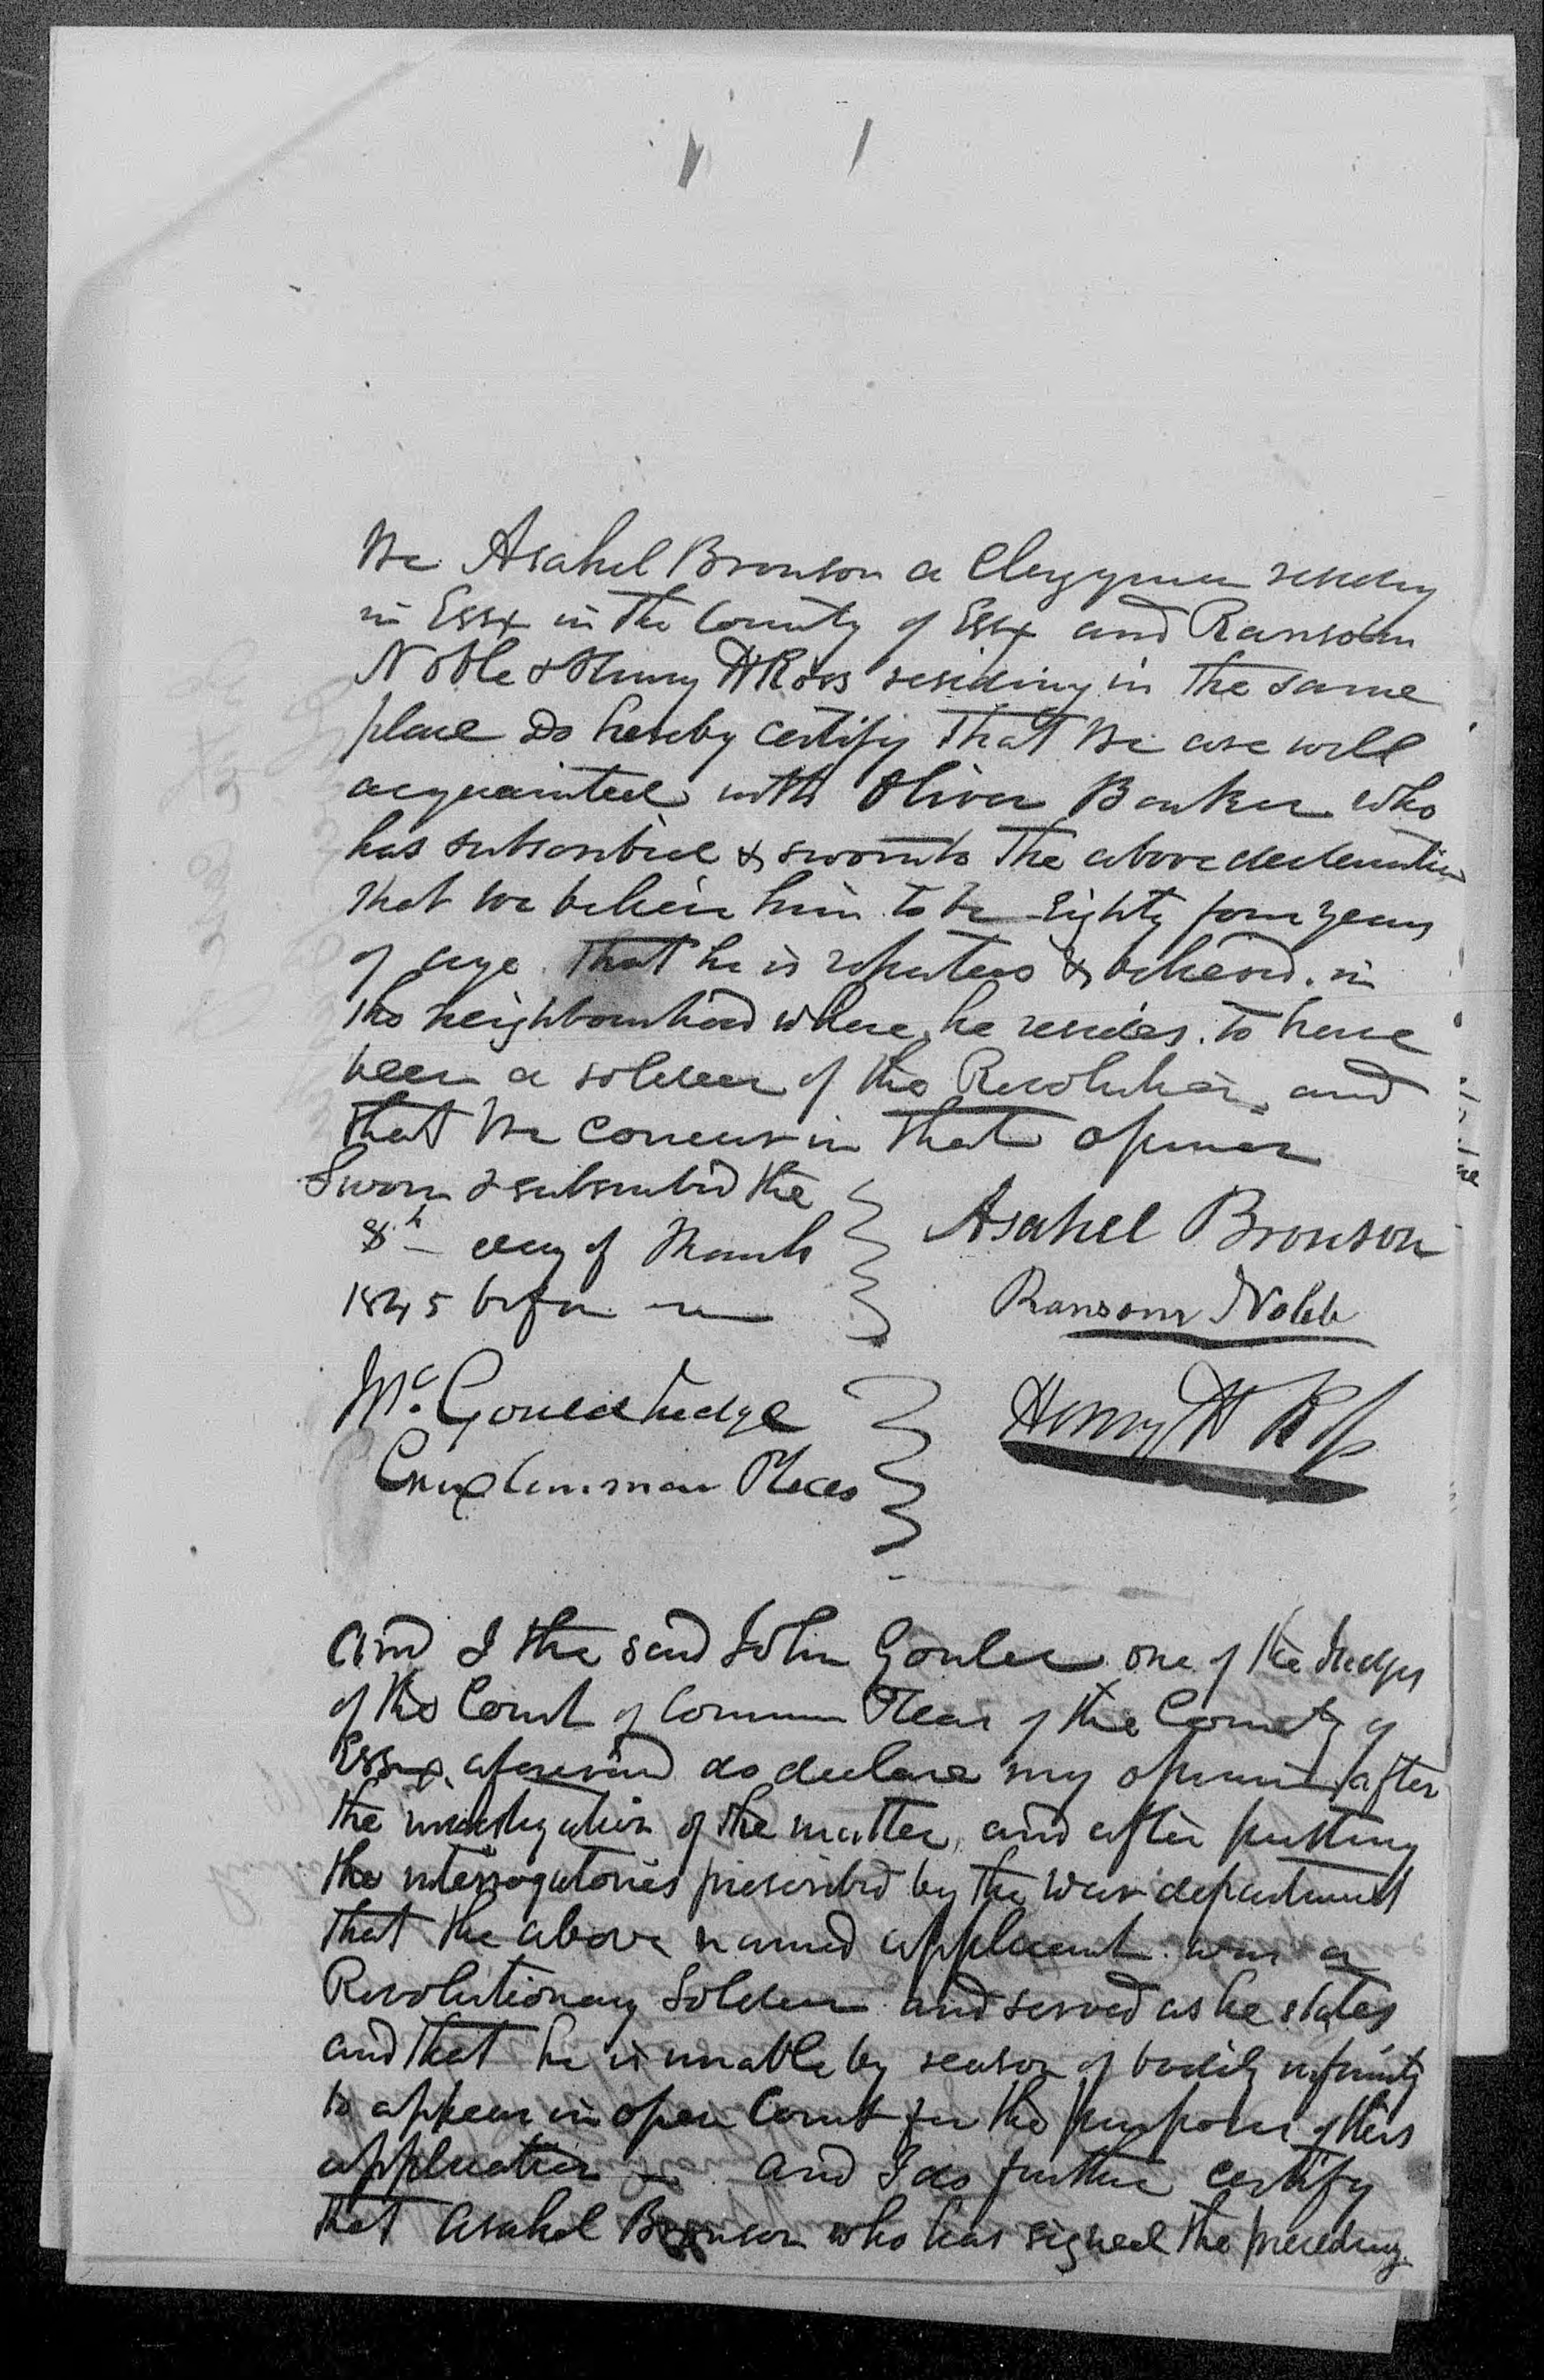We Asahel Bronson a Clergyman residing in Essex in the County of Essex and Ransom Noble & Henry H. Ross residing in the same place do hereby certify that we are well acquainted with Oliver Barker who has subscribed & sworn to the above declaration that we believe him to be Eighty four years of age that he is reputed & believed in the neighborhood where he resides, to have been a soldier of the Revolution and that we concur in that opinion 
Asahel Bronson
Ransom Noble
Henry H. Ross
Sworn & subscribed the 8th day of March  before me 
Jno Gould Judge Ct Com Pleas }
And I the said John Gould one of the Judges of the Court of Common Pleas of the County of aforesaid do declare my opinion after the investigation of the matter and after putting the interrogatories prescribed by the war department that the above named applicant was a Revolutionary soldier and served as he states and that he is unable by reason of bodily infirmity to appear in open Court for the purpose of this application and I do further certify that Asahel Bronson who has signed the preceding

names: Henry H Ross, Asahel Browson, Jno Gould, Oliver Barker, Ransom Noble, Asahel Browson, John Gould, Asahel Browson, Henry H Ross, Ransom Noble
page: 10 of 51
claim: widow's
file: W. 1698, Oliver Barker, Conn.